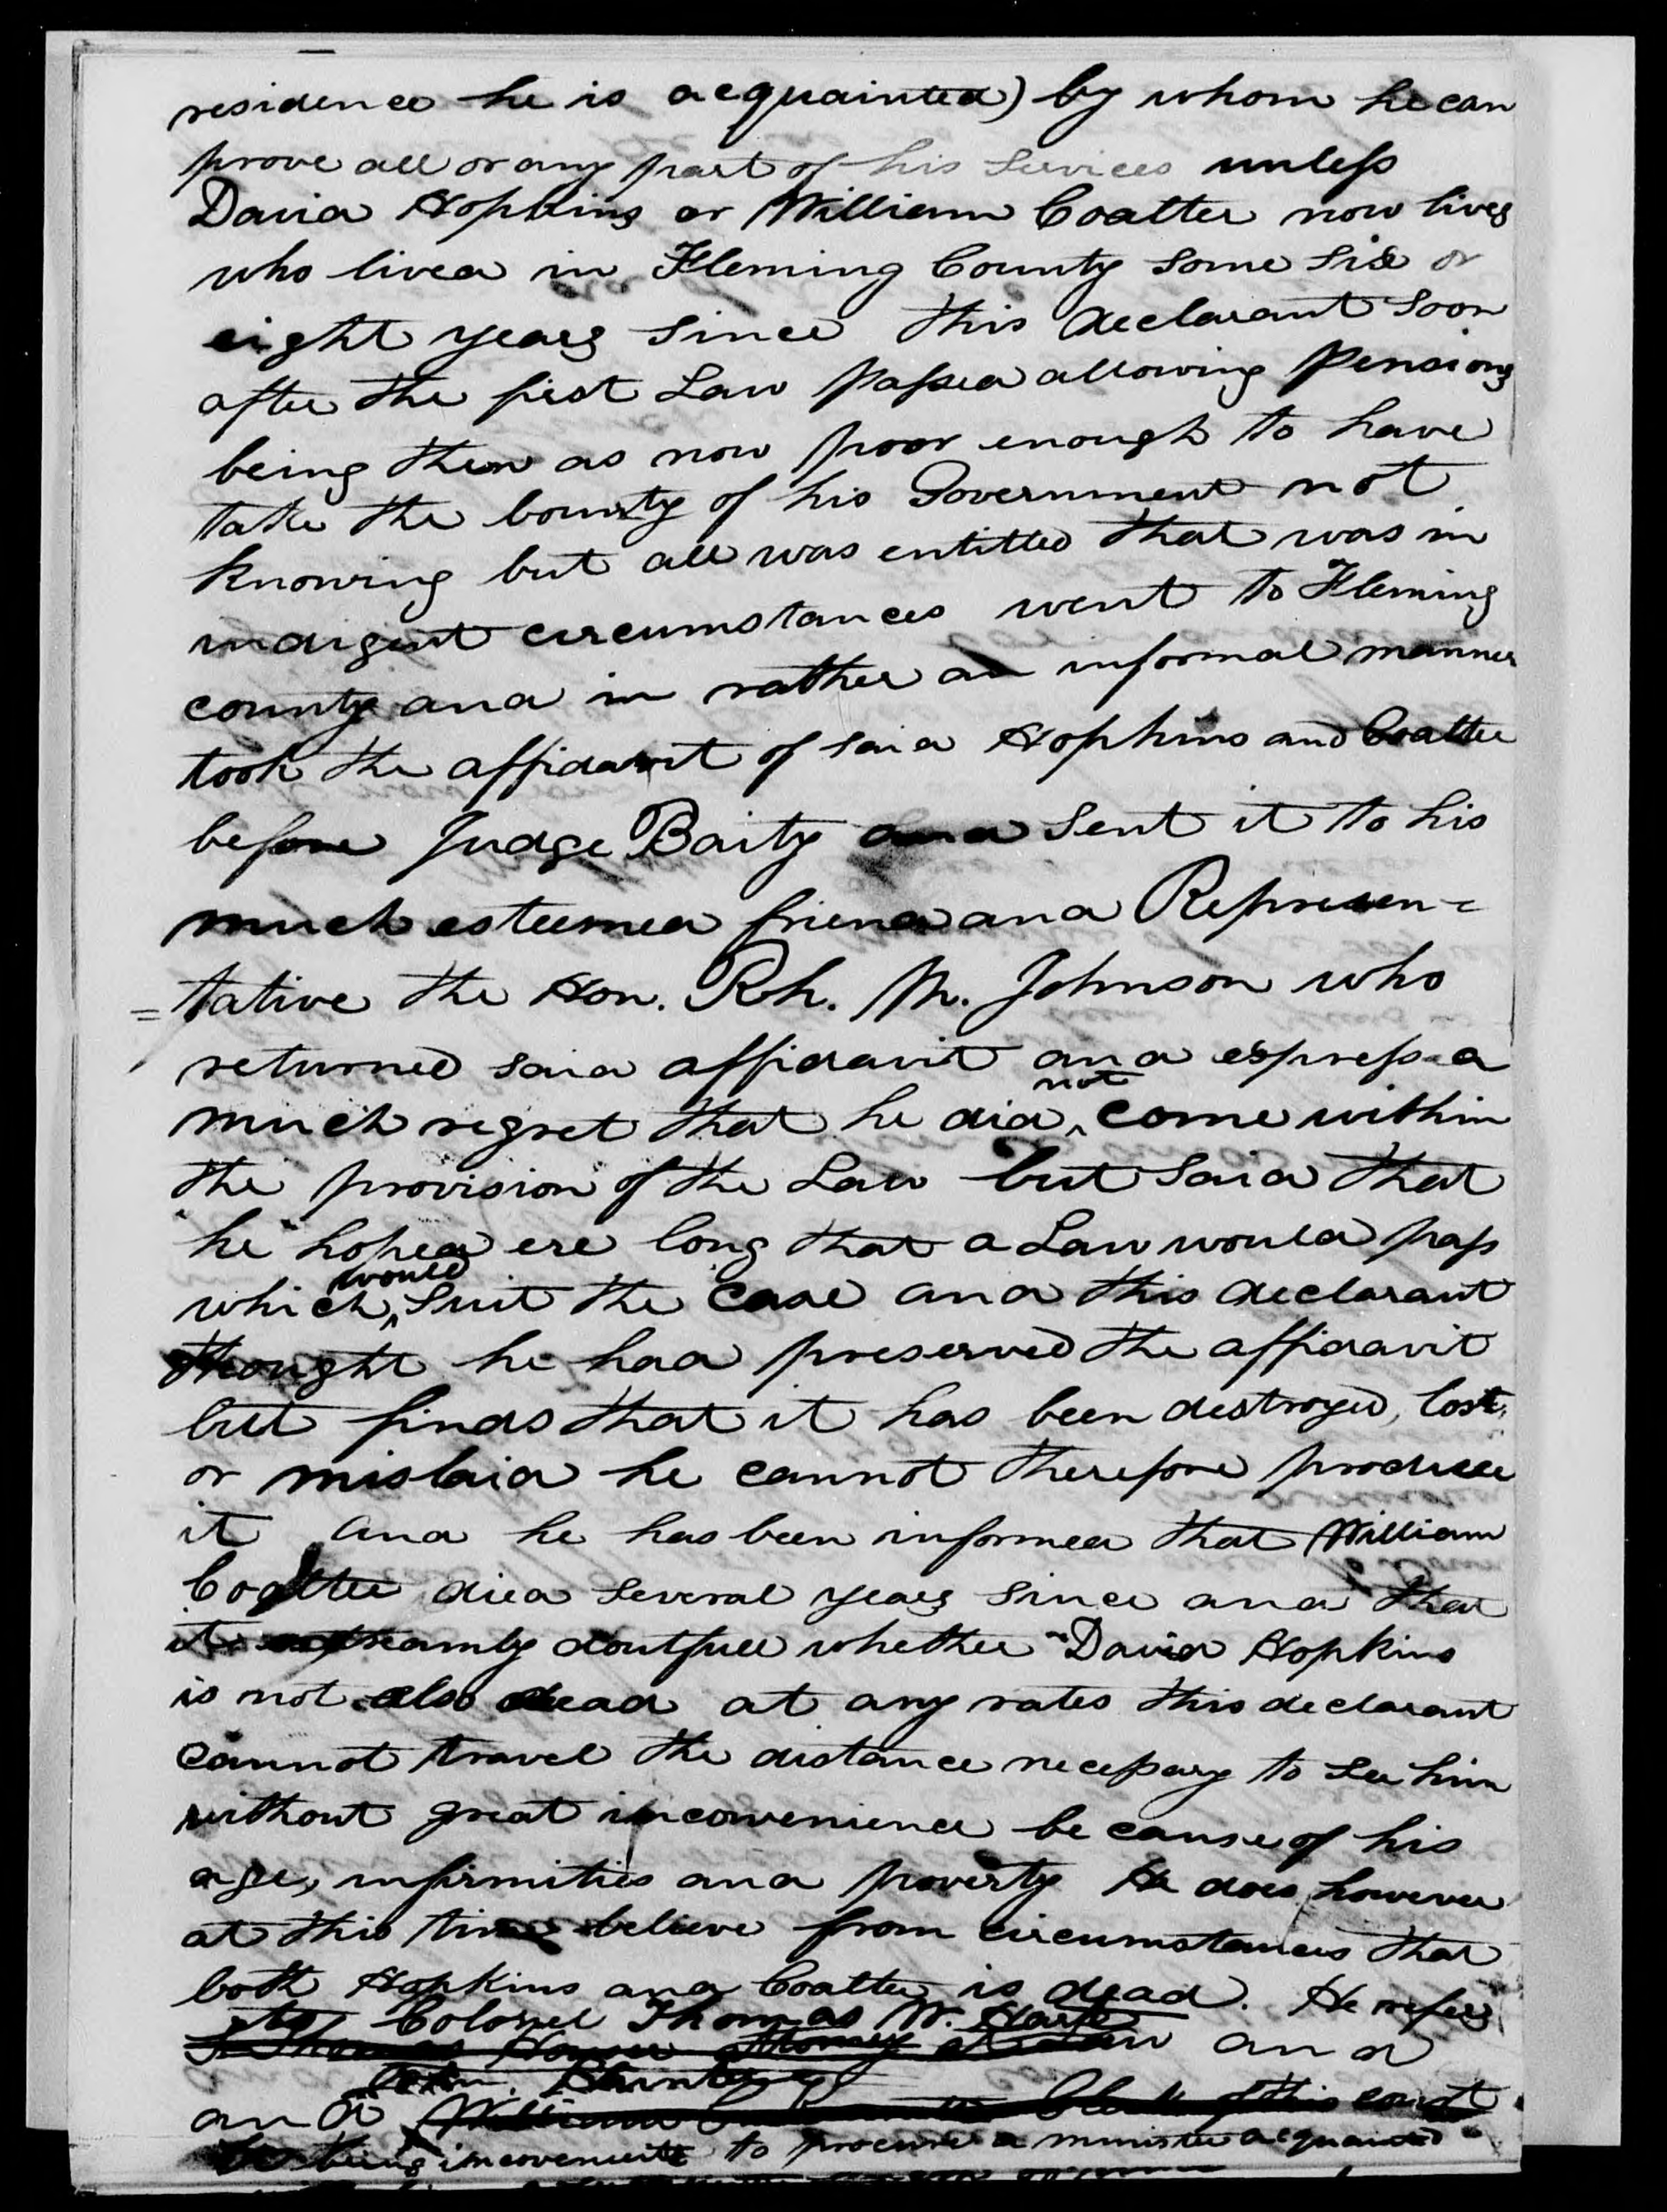Residence he is acquainted) by whom he can prove all or any part of his services unless 
David Hopkins or William Coalter now live who lived in Fleming County some six or eight years since.  this declarant soon after the first law passed allowing pensions being then as now poor enough to have taken the bounty of his government not knowing but all was entitled that we in indigent circumstances, went to Fleming county and in rather an informal manner took the affidavit of said Hopkins and Coalter before Judge Baity and sent it to his much esteemed friend and representative the Hon. Rh M Johnson who returned said affidavit and expressed much regret that he did not come within the provision of the law but said that he hopes ere long that a law would pass which would suit the case and this declarant thought he had preserved the affadavit but finds that it has been destroyed, lost, or mislaid he cannot therefore produce it and he has been informed that William Coalter died several years since and that its extremely doubtful whether 
David Hopkins is not also dead at any rate this declarant cannot trace the distance necessary to see him without great inconvenience because of his age, infirmities, and poverty.  He does however at this time believe from circumstances that both Hopkins and Coalter is dead. He refers to Colonel Thomas W Hart and (illegible) inconvenient to procure a ministerial (grant?)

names: William Coalter; Rh M Johnson; David Hopkins; Thomas W Hart; [BLANK] Baity; John Hunter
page: 12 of 25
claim: survivor's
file: S. 13789, for Samuel Lockwood, Delaware